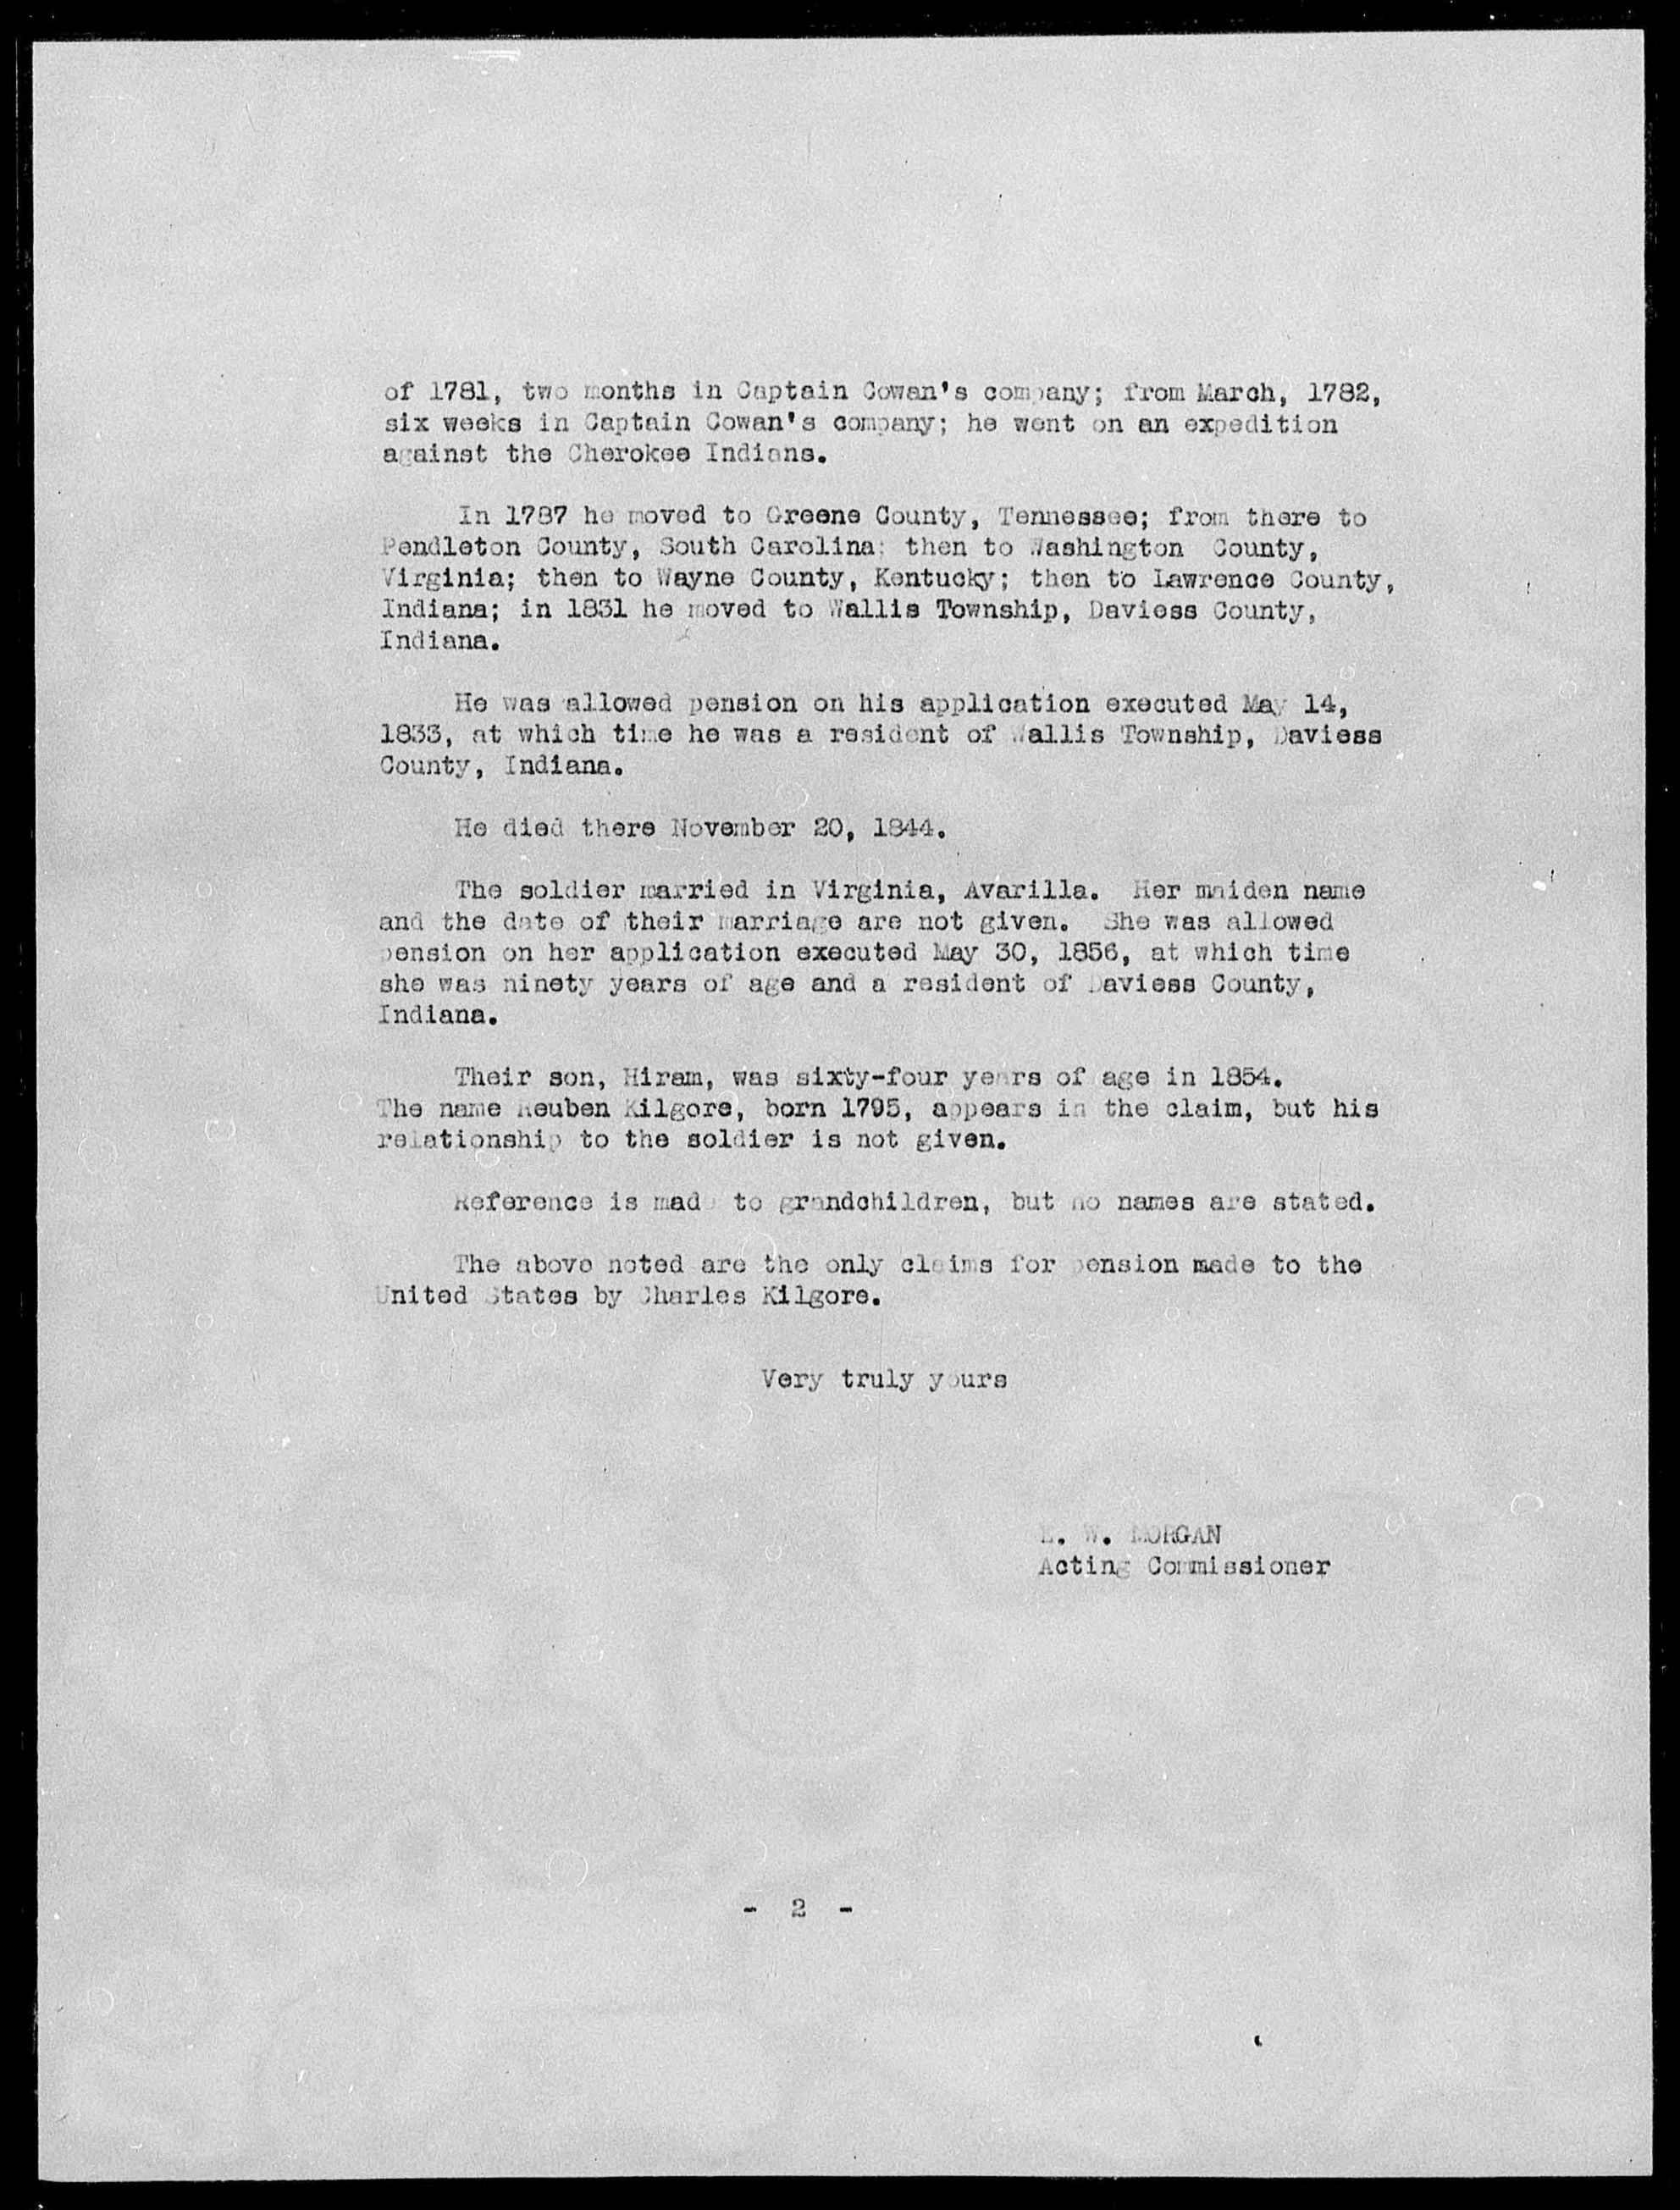of 1781, two months in Captain Cowan's company; from March, 1782, six weeks in Captain Cowan's company; he went on an expedition against the Cherokee Indians.
In 1787 he moved to Greene County, Tennessee; from there to Pendleton County, South Carolina; then to Washington County, Virginia; then to Wayne County, Kentucky; then to Lawrence County, Indiana; in 1831 he moved to Wallis Township, Daviess County, Indiana.
He was allowed pension on his application executed May 14,
1833, at which time he was a resident of Wallis Township, Daviess County, Indiana.
He died there November 20, 1844.
The soldier married in Virginia, Avarilla. Her maiden name and the date of their marriage are not given. She was allowed pension on her application executed May 30, 1856, at which time she was ninety years of age and a resident of Daviess County, Indiana.
Their son, Hiram, was sixty-four years of age in 1854. The name Reuben Kilgore, born 1795, appears in the claim, but his relationship to the soldier is not given.
Reference is made to grandchildren, but no names are stated.
The above noted are the only claims for pension made to the United States by Charles Kilgore.

Very truly yours
E. W. MORGAN
Acting Commissioner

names: Avarilla [BLANK]; Reuben Kilgore; Charles Kilgore; Hiram [BLANK]; E W Morgan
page: 108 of 115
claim: survivor's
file: S. 699, for Charles Kilgore, Virginia